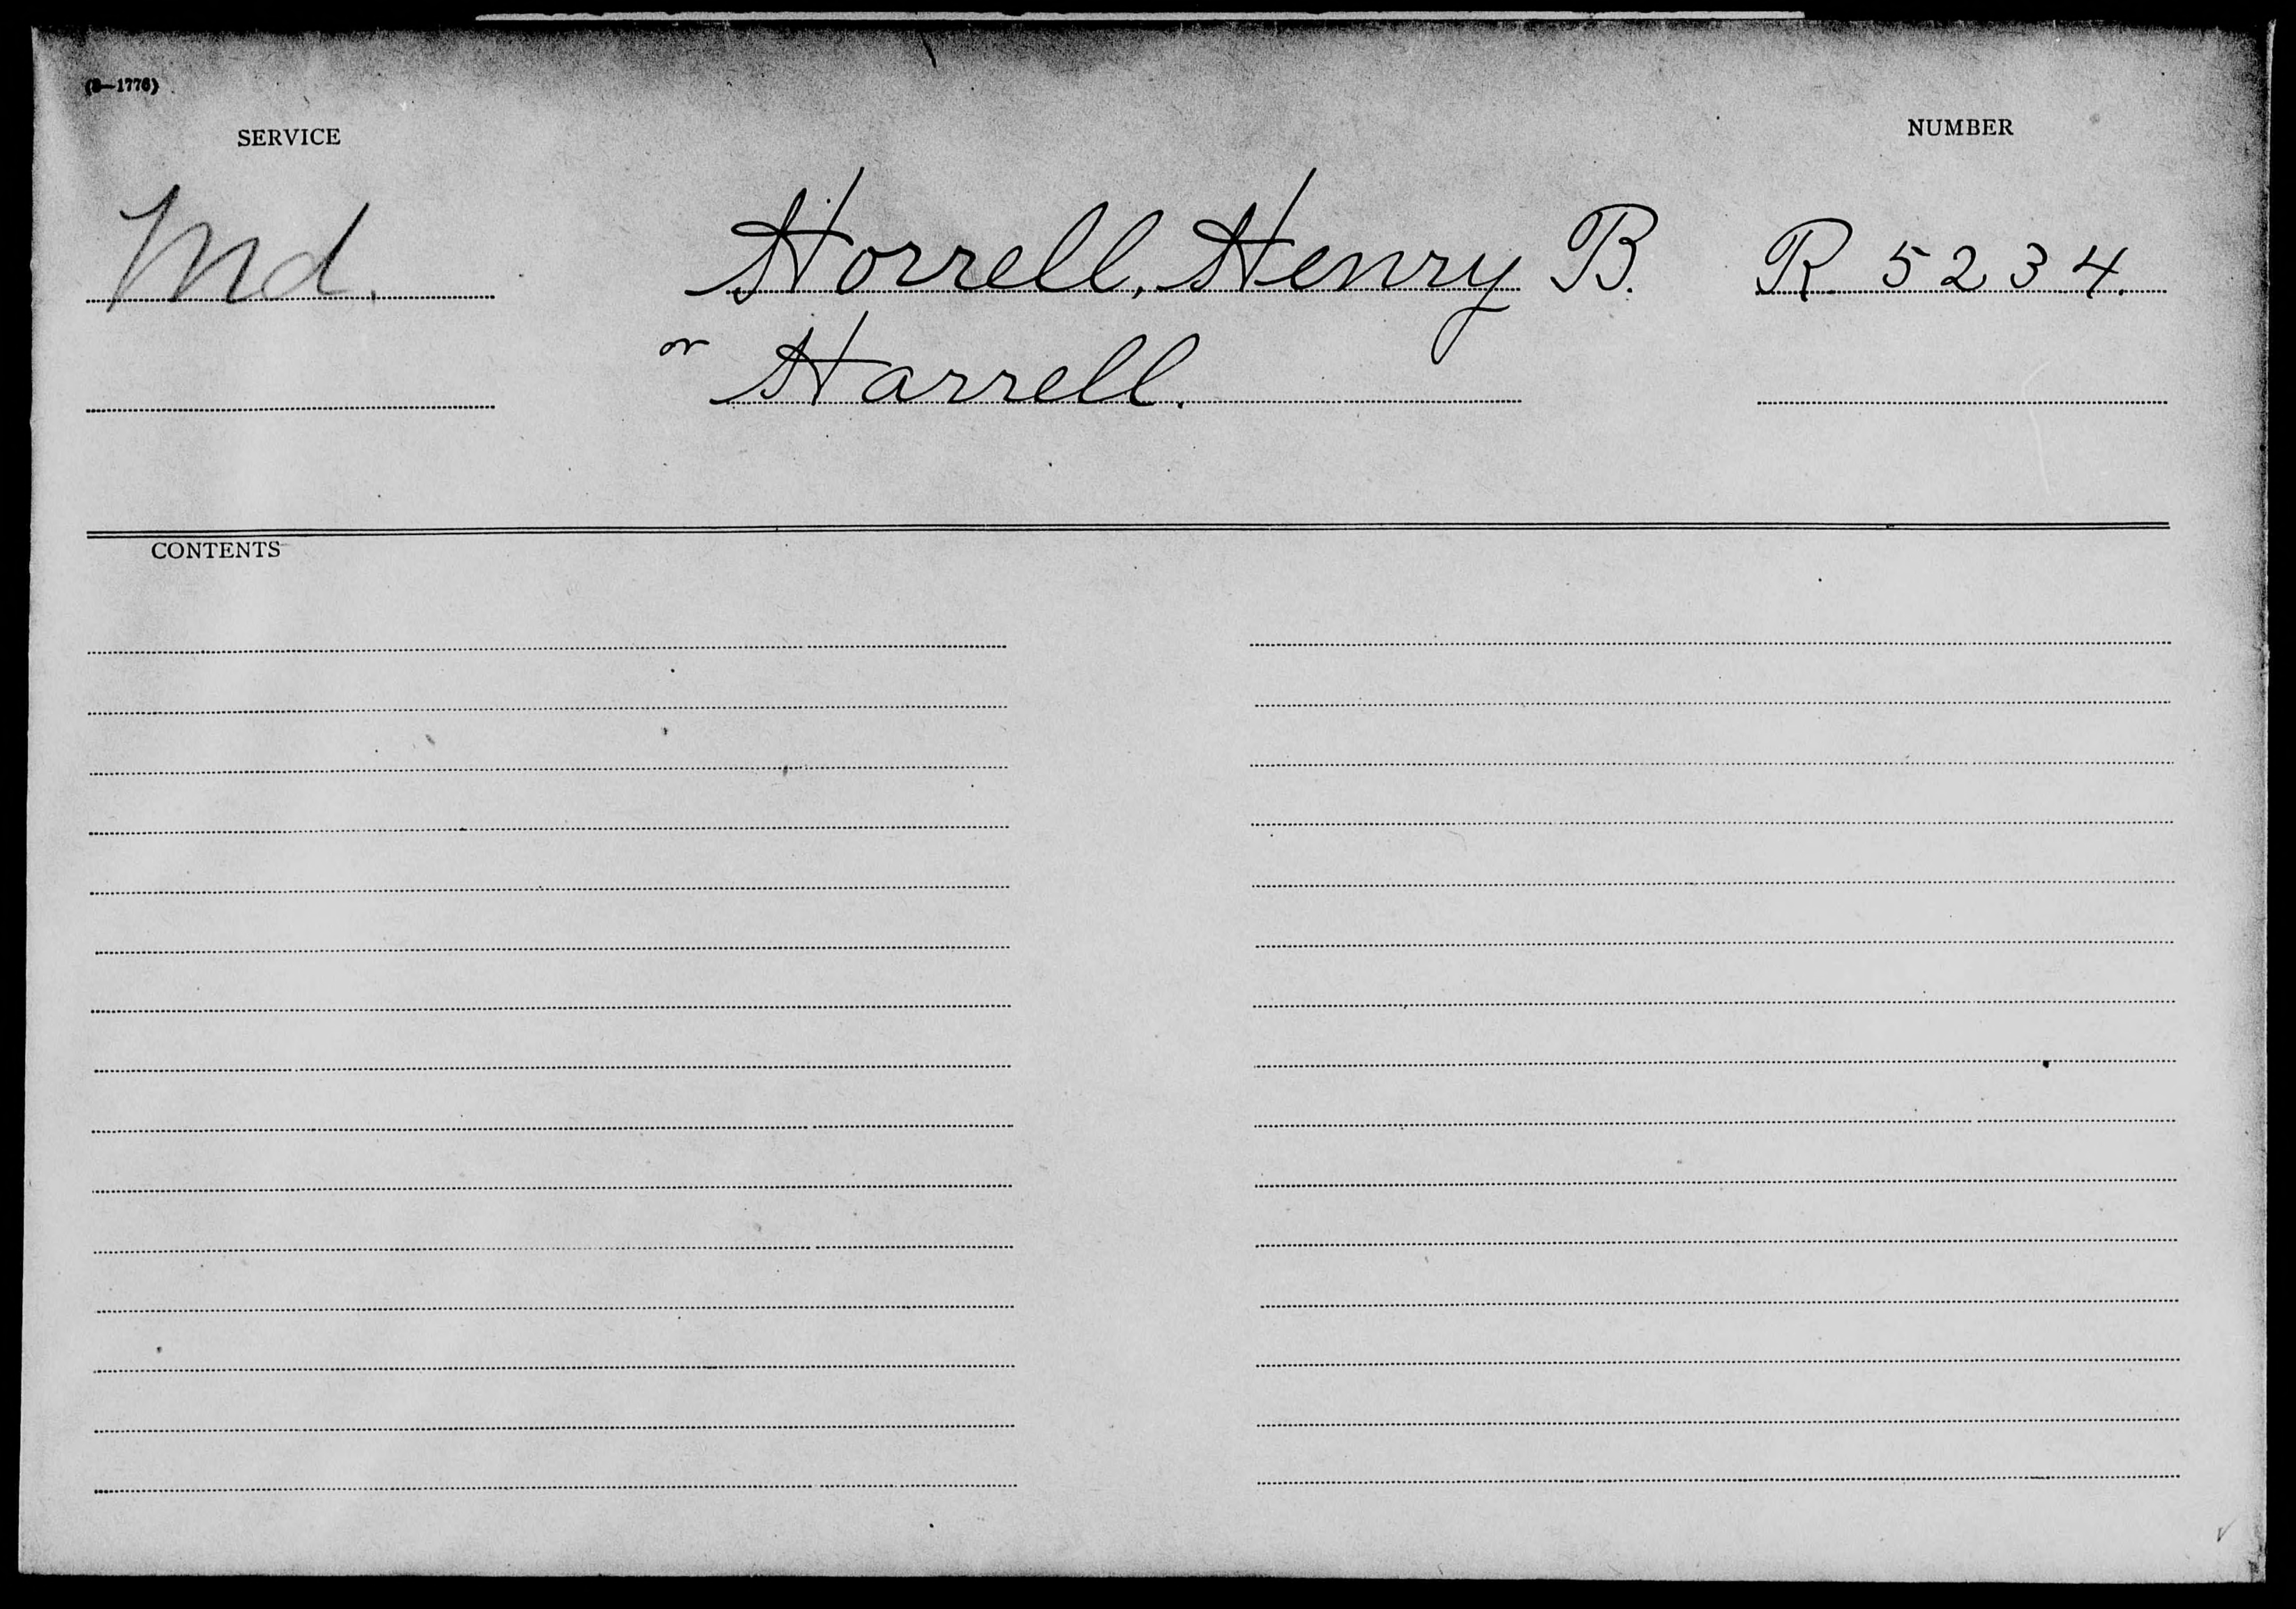(3─1776)

SERVICE
Md.

Horrell, Henry B.
or Harrell

NUMBER
R. 5234.

CONTENTS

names: Henry B Harrell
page: 1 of 15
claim: rejected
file: R. 5234, Henry B Horrell, Md.